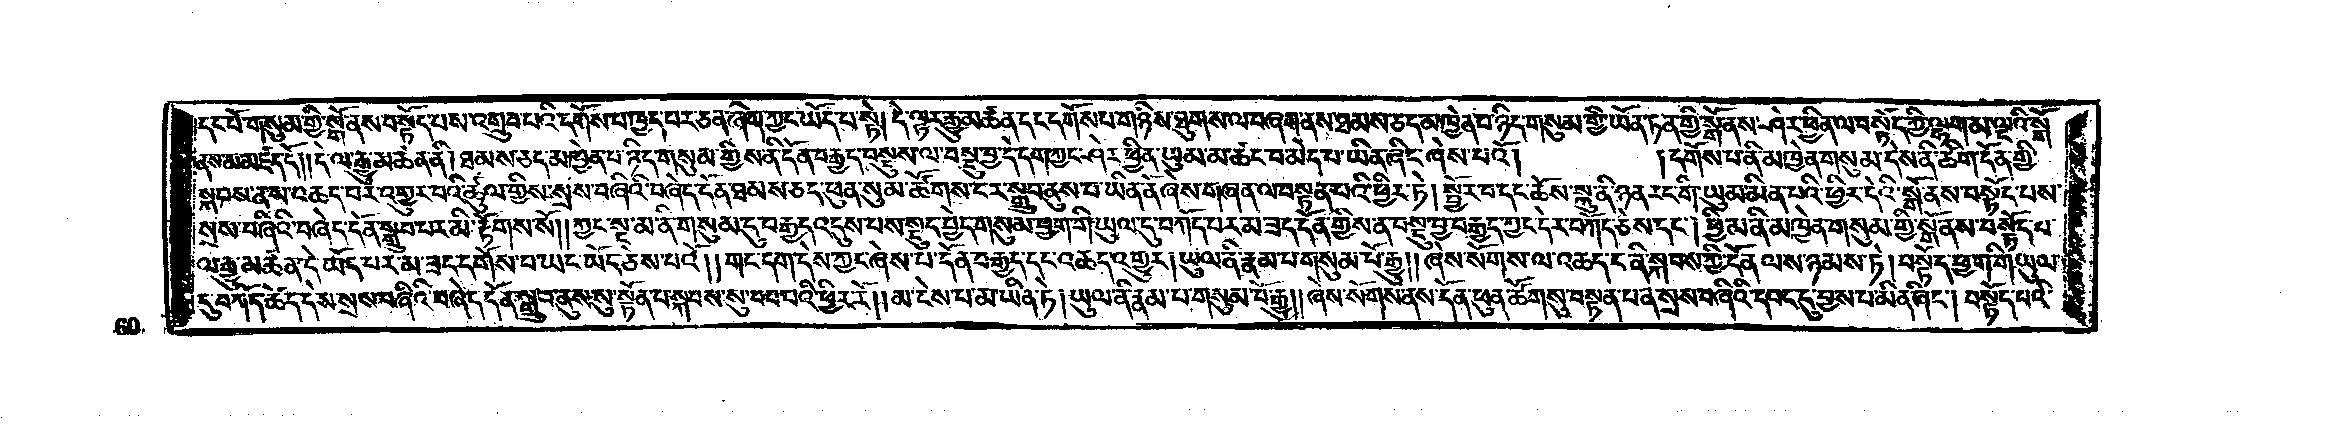དང་པོ་གསུམ་གྱི་སྒོ་ནས་བསྟོད་པས་འགྲུབ་པའི་དགོས་པ་ཁྱད་པར་ཅན་ཞིག་ཀྱང་ཡོད་པ་སྟེ། དེ་ལྟར་རྒྱུ་མཚན་དང་དགོས་པ་གཉིས་ཐུགས་ལ་བཞག་ནས་ཐམས་ཅད་མཁྱེན་པ་ཉིད་གསུམ་གྱི་ཡོན་ཏན་གྱི་སྒོ་ནས་ཤེར་ཕྱིན་ལ་བསྟོད་ཀྱི་ལྷག་མ་ལྔའི་སྒོ་
ནས་མ་མཛད་དོ། །དེ་ལ་རྒྱུ་མཚན་ནི། ཐམས་ཅད་མཁྱེན་པ་ཉིད་གསུམ་གྱིས་ནི་དོན་བརྒྱད་བསྡུས་ལ་བསྡུ་བྱ་དེ་དག་ཀྱང་ཤེར་ཕྱིན་ཡུམ་མ་ཚང་བ་མེད་པ་ཡིན་ཞིང་ཞེས་པའོ། །དགོས་པ་ནི་མཁྱེན་གསུམ་དེས་ནི་ཚིག་དོན་གྱི་
སྐབས་ནས་འཆད་པར་འགྱུར་བའི་ཚུལ་གྱིས་སྲས་བཞིའི་བཞེད་དོན་ཐམས་ཅད་ཕུན་སུམ་ཚོགས་པར་སྒྲུབ་ནུས་པ་ཡིན་ནོ་ཞེས་གཞན་ལ་བསྟན་པའི་ཕྱིར་ཏེ། སྦྱོར་བ་དང་ཆོས་སྐུ་ནི་ཉན་རང་གི་ཡུམ་མིན་པའི་ཕྱིར་དེའི་སྒོ་ནས་བསྟོད་པས་
སྲས་བཞིའི་བཞེད་དོན་སྒྲུབ་པར་མི་རྟོགས་སོ། །ཀྱང་སྔ་མ་ནི་གསུམ་དུ་བརྒྱད་འདུས་པས་སྡུད་བྱེད་གསུམ་ཕྱག་གི་ཡུལ་དུ་བཀོད་པར་མ་ཟད་དོན་གྱིས་ན་བསྡུ་བྱ་བརྒྱད་ཀྱང་དེར་བཀོད་ཅེས་དང་། ཕྱི་མ་ནི་མཁྱེན་གསུམ་གྱི་སྒོ་ནས་བསྟོད་པ་
ལ་རྒྱུ་མཚན་དེ་ཡོད་པར་མ་ཟད་དགོས་པ་ཡང་ཡོད་ཅེས་པའོ། །གང་དག་དེས་ཀྱང་ཞེས་པ་དོན་བརྒྱད་དང་འཆད་འགྱུར། ཡུལ་ནི་རྣམ་པ་གསུམ་པོ་རྒྱུ། །ཞེས་སོགས་ལ་འཆད་པ་ནི་སྐབས་ཀྱི་དོན་ལས་ཉམས་ཏེ། བསྟོད་ཕྱག་གི་ཡུལ་
དུ་བཀོད་ཚེད་དེས་སྲས་བཞིའི་བཞེད་དོན་སྒྲུབ་ནུས་སུ་སྟོན་པ་སྐབས་སུ་བབ་པའི་ཕྱིར་རོ། །མ་ངེས་པ་མ་ཡིན་ཏེ། ཡུལ་ནི་རྣམ་པ་གསུམ་པོ་རྒྱུ། །ཞེས་སོགས་ནས་དོན་ཕུན་ཚོགས་སུ་བསྟན་པ་ན་སྲས་བཞིའི་དབང་དུ་བྱས་པ་མིན་ཞིང་། བསྟོད་པའི་